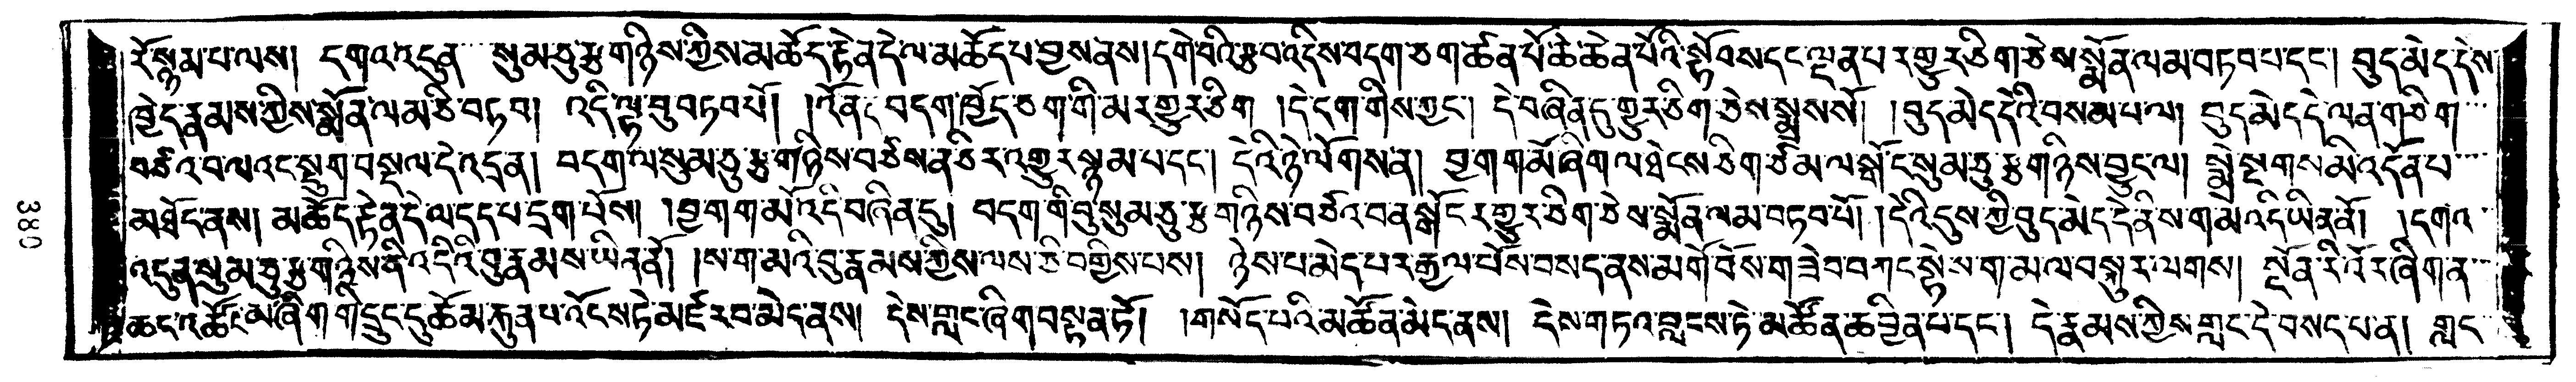རོ་སྙམ་པ་ལས། དགའ་འདུན་སུམ་ཅུ་རྩ་གཉིས་ཀྱིས་མཆོད་རྟེན་དེ་ལ་མཆོད་པ་བྱས་ནས། དགེ་བའི་རྩ་བ་འདིས་བདག་ཅག་ཚན་པོ་ཆེ་ཆེན་པོའི་སྟོབས་དང་ལྡན་པར་གྱུར་ཅིག་ཅེས་སྨོན་ལམ་བཏབ་པ་དང་། བུད་མེད་དེས་
ཁྱེད་རྣམས་ཀྱིས་སྨོན་ལམ་ཅི་བཏབ། འདི་ལྟ་བུ་བཏབ་པོ། །འོ་ན༑ བདག་ཁྱོད་ཅག་གི་མར་གྱུར་ཅིག །དེ་དག་གིས་ཀྱང་། དེ་བཞིན་དུ་གྱུར་ཅིག་ཅེས་སྨྲས་སོ། །བུད་མེད་དེའི་བསམ་པ་ལ། བུད་མེད་དེ་ལན་གཅིག་
བཙའ་བ་ལའང་སྡུག་བསྔལ་དེ་འདྲན། བདག་ལ་སུམ་ཅུ་རྩ་གཉིས་བཙས་ན་ཅིར་འགྱུར་སྙམ་པ་དང་། དེའི་ཉེ་ལོགས་ན། བྱ་གག་མོ་ཞིག་ལ་ཐེངས་ཅིག་ཙམ་ལ་སྒོ་ང་སུམ་ཅུ་རྩ་གཉིས་བྱུང་ལ། སྨྲེ་སྔགས་མི་འདོན་པ་
མཐོང་ནས། མཆོད་རྟེན་དེ་ལ་དད་པ་དྲག་པོས་།བྱ་གག་མོ་འདི་བཞིན་དུ། བདག་གི་བུ་སུམ་ཅུ་རྩ་གཉིས་བཙའ་བ་ན་སྒོང་གྱུར་ཅིག་ཅེས་སྨོན་ལམ་བཏབ་པོ། །དེའི་དུས་ཀྱི་བུད་མེད་དེ་ནི་ས་ག་མ་ལ་བསྐུར་ལགས། སྔོན་རི་འོར་ཞིག་ན་
འདུན་སུམ་ཅུ་རྩ་གཉིས་ནི་འདིའི་བུ་རྣམས་ཡིན་ནོ། །ས་ག་མའི་བུ་རྣམས་ཀྱིས་ལས་ཅི་བགྱིས་བས། ཉེས་པ་མེད་པར་རྒྱལ་བོས་བསད་ནས་མགོ་བོས་གཟེབ་བཀང་སྟེ་ས་ག་མ་ལ་བསྐུར་ལགས། སྔོན་རི་འོར་ཞིག་ན་
ཆང་འཚོང་མ་ཞིག་གི་དྲུང་དུ་ཆོམ་རྐུན་པ་འོངས་ཏེ་མཛར་བ་མེད་ནས། དེས་གླང་ཞིག་བསྟན་ཏོ། །གསོད་པའི་མཚོན་མེད་ནས། དེས་གཏའ་བླངས་ཏེ་མཚོན་ཆ་བྱིན་པ་དང་། དེ་རྣམས་ཀྱིས་གླང་དེ་བསད་པ་ན། གླང་